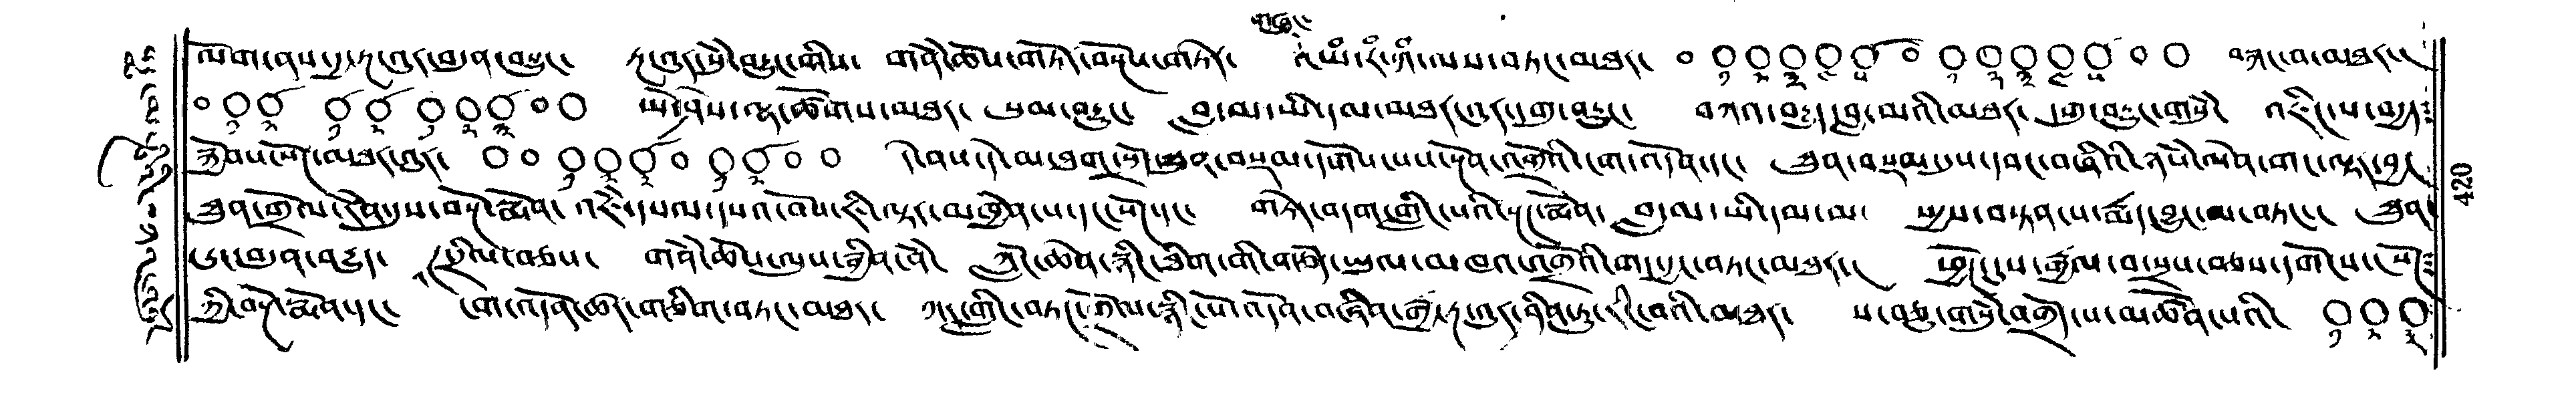ལོག་ནས་རྒྱ་རྔ་འུར་བདུན་རྡུང་། རྔ་འུར་སུམ་རྡུང་གིས། གནམ་ཆོས་གཏོར་བསྔོས་གཏེར་གཞུང་། ཡཾ་རཾ་ཀཾ་ལས་བཏང་མཐར། བསྐང་བ་མཐར། 
ཡེ་ཤེས་ལྷ་ཚོགས་མཐར། སུམ་རྡུང་། བླ་མ་ཡི་དམ་མཐར་འུར་དགུ་རྡུང་། བཀའ་བརྒྱུད་བླ་མའི་མཐར། དགུ་རྡུང་གསུམ། འཇིགས་པ་བརྒྱད་
སྐྱོབས་སོགས་མཐར་འུར། དེ་ནས་དེ་མ་ཐག་སྲོད་ཐུན་སྡོམ་དགོས་པས་སྔོན་འགྲོའི་ངག་འདོན་དང་། ཐུན་བསྡམ་དུས་དབང་བཞིའི་ཉམས་ལེན་གོང་ལྟར་བྱ། 
ཐུན་གྲོལ་རན་དུས་བསྔོ་སྨོན། འཇམ་དཔལ་དཔའ་བོས་ཇི་ལྟར་མཁྱེན་པ་དང་སོགས་དང་། གཏེར་བདག་གླིང་པའི་སྔགས་སྨོན་བླ་མ་ཡི་དམ་མ། སངས་རྒྱས་བསྟན་པ་རྨད་བྱུང་མ་བཏང་། ཐུན་
དུང་བདུན་བརྒྱུད། ཌཱ་དྲིལ་བཅས། གནམ་ཆོས་ལུས་སྦྱིན་ནམ། ཀློང་ཆེན་བཏགས་གྲོལ་སྙིང་པོ་འདོན་བཞིན་རྒྱ་རྔ་འུར་ཤིན་ཏུ་རིང་བའི་མཐར། ཕྱོགས་དུས་རྒྱལ་བ་སྲས་བཅས་དགོངས་སོགས་
ཀྱི་བསྔོ་སྨོན་དང་ ངག་འདོན་ཚར་གཅིག་བཏང་མཐར་ ཀར་གླིང་བཏགས་གྲོལ་སྙིང་འདོན་བཞིན་རྒྱ་འུར་ཤིན་ཏུ་རིང་བའི་མཐར་ ས་བཅུ་གསུམ་བགྲོད་པ་མཚོན་པའི།